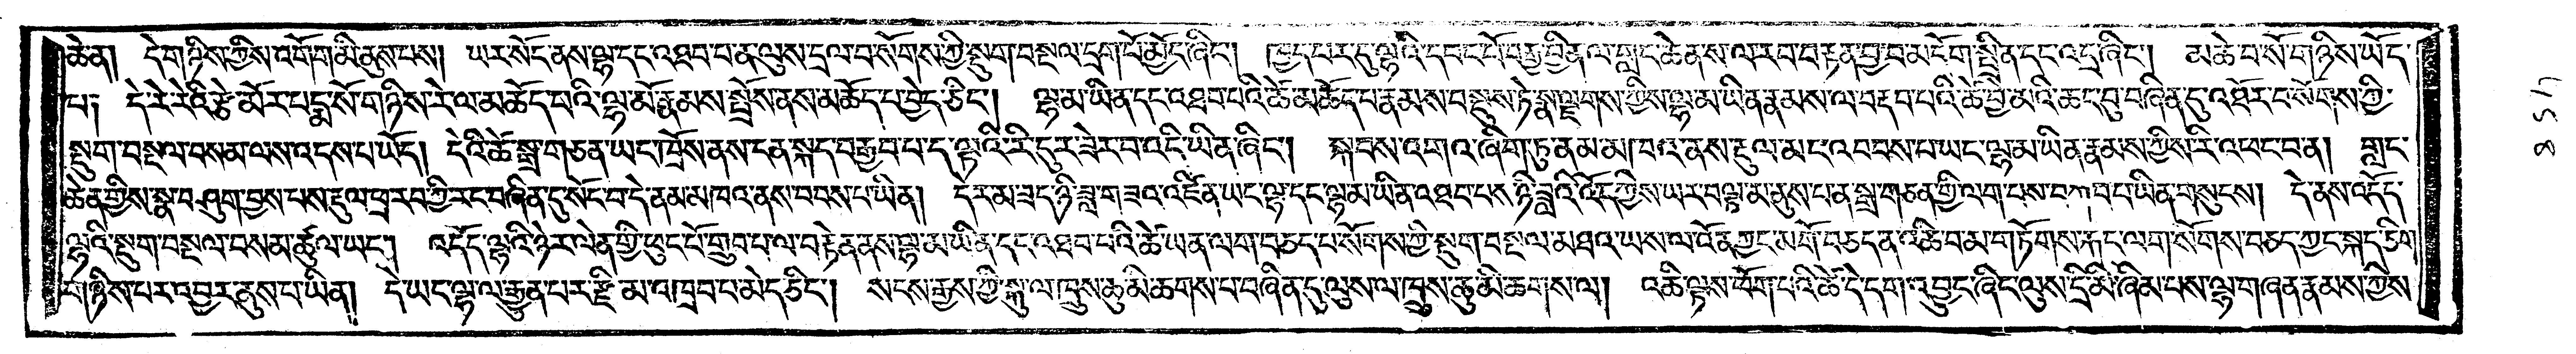ཆེ་ན། དེ་གཉིས་ཀྱིས་འགོག་མི་ནུས་པས། ཡར་སོང་ནས་ལྷ་དང་འཐབ་བ་ན་ལུས་དྲལ་བ་སོགས་ཀྱི་སྡུག་བསྔལ་དྲག་པོ་མྱོང་ཞིང་། ཁྱད་པར་དུ་ལྷའི་དབང་པོ་བརྒྱ་བྱིན་ལ་གླང་ཆེན་ས་ལ་རབ་བརྟན་བྱ་བ་མདོག་སྤྲིན་དང་འདྲ་ཞིང་། མཆེ་བ་སོ་གཉིས་ཡོད་
པ༑ དེ་རེ་རེའི་རྩེ་མོར་པདམ་སོ་གཉིས་རེ་ལ་མཆོད་པའི་ལྷ་མོ་རྣམས་སྤྲོས་ནས་མཆོད་པ་བྱེད་ཅིང་། ལྷ་མ་ཡིན་དང་འཐབ་པའི་ཚེ་མཆོད་པ་རྣམས་བསྡུས་ཏེ་སྣ་ལྗགས་ཀྱིས་ལྷ་མ་ཡིན་རྣམས་ལ་བརྡབ་པའི་ཚེ་བྱེ་མའི་ཆང་བུ་བཞིན་དུ་འཐོར་བ་སོགས་ཀྱི་
སྡུག་བསྔལ་བསམ་ལས་འདས་པ་ཡོད། དེའི་ཚེ་སྒྲ་གཅན་ཡང་ཁྲོས་ནས་ངན་སྐད་བརྒྱབ་པ་ད་ལྟའི་རི་དུར་ཟེར་བ་འདི་ཡིན་ཞིང་། སྐབས་འགའ་ཞིག་ཏུ་ནམ་མཁའ་ནས་རྡུལ་མང་འབབས་པ་ཡང་ལྷ་མ་ཡིན་རྣམས་ཀྱིས་རི་འཕང་བ་ན། གླང་
ཆེན་གྱིས་སྣ་བཤུག་བྱས་པས་རྡུལ་ཕྲ་རབ་ཀྱི་རང་བཞིན་དུ་སོང་བ་དེ་ནམ་མཁའ་ནས་བབས་པ་ཡིན། དེར་མ་ཟད་ཉི་ཟླ་གཟའ་འཛིན་ཡང་ལྷ་དང་ལྷ་མ་ཡིན་འཐབ་པས་ཉི་ཟླའི་འོད་ཀྱིས་ཡར་བལྟ་མ་ནུས་པ་ན་སྒྲ་གཅན་གྱི་ལག་པས་བཀབ་པ་ཡིན་གསུངས། དེ་ནས་འདོད་
ལྷའི་སྡུག་བསྔལ་བསམ་ཚུལ་ཡང་། འདོད་ལྷའི་ཉེར་ལེན་གྱི་ཕུང་པོ་གྲུབ་པ་ལ་བརྟེན་ནས་ལྷ་མ་ཡིན་དང་འཐབ་པའི་ཚེ་ཡན་ལག་བཅད་པ་སོགས་ཀྱི་སྡུག་བསྔལ་མཐའ་ཡས་ལ་འོན་ཀྱང་མགོ་བཅད་ན་འཆི་བ་མ་གཏོགས་རྐང་ལག་སོགས་བཅད་ཀྱང་སྐད་ཅིག་
གཉིས་པར་འབྱར་ནུས་པ་ཡིན། དེ་ཡང་ལྷ་ལ་རྒྱུན་པར་རྫི་མ་འཁྲབ་པ་མེད་ཅིང་། སངས་རྒྱས་ཀྱི་སྐུ་ལ་ཁྲུས་ཆུ་མི་ཆགས་པ་བཞིན་དུ་ལུས་ལ་ཁྲུས་ཆུ་མི་ཆགས་ལ། འཆི་ལྟས་ཕོག་པའི་ཚེ་དེ་དག་འབྱུང་ཞིང་ལུས་དྲི་མི་ཞིམ་པས་ལྷ་གཞན་རྣམས་ཀྱིས་